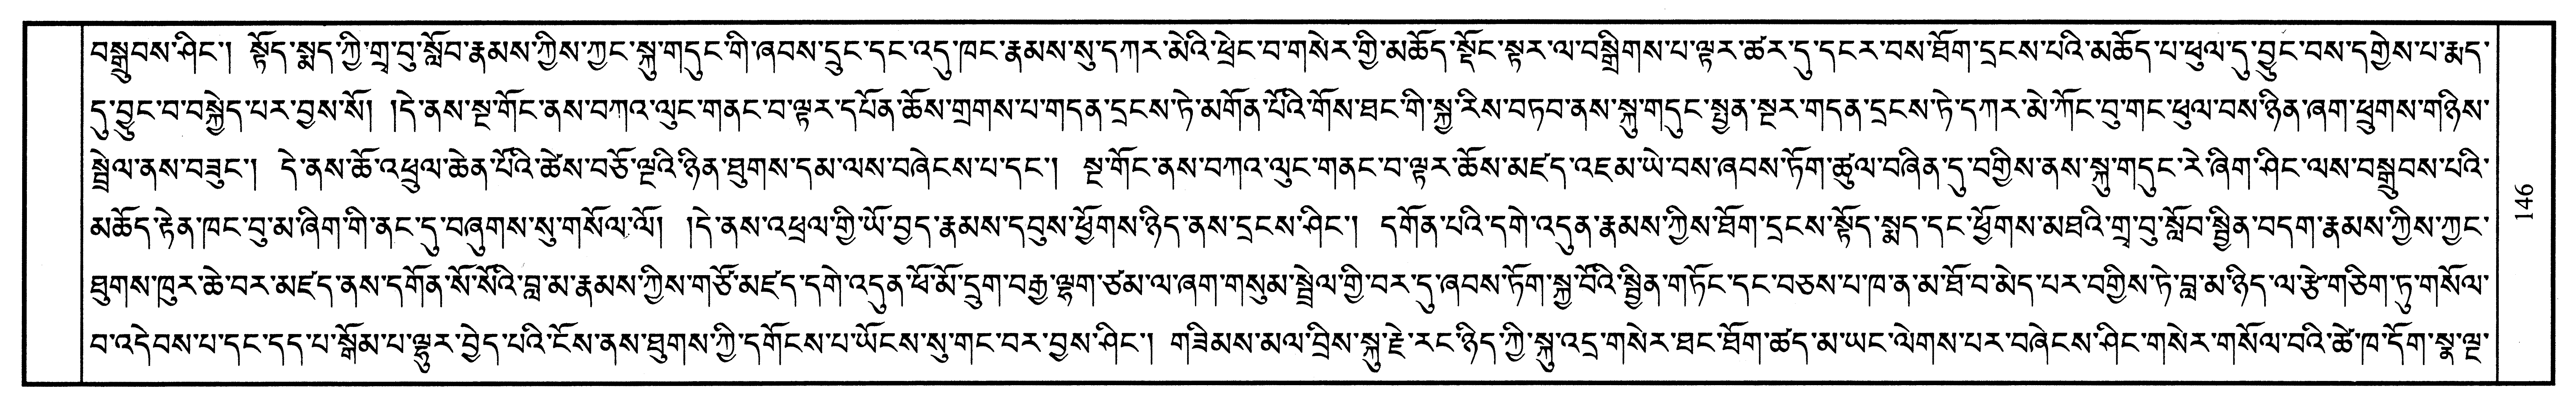བསྒྲུབས་ཤིང་། སྟོད་སྨད་ཀྱི་གྲྭ་བུ་སློབ་རྣམས་ཀྱིས་ཀྱང་སྐུ་གདུང་གི་ཞབས་དྲུང་དང་འདུ་ཁང་རྣམས་སུ་དཀར་མེའི་ཕྲེང་བ་གསེར་གྱི་མཆོད་སྡོང་སྟར་ལ་བསྒྲིགས་པ་ལྟར་ཚར་དུ་དངར་བས་ཐོག་དྲངས་པའི་མཆོད་པ་ཕུལ་དུ་བྱུང་བས་དགྱེས་པ་རྨད་
དུ་བྱུང་བ་བསྐྱེད་པར་བྱས་སོ། །དེ་ནས་སྔ་གོང་ནས་བཀའ་ལུང་གནང་བ་ལྟར་དཔོན་ཆོས་གྲགས་པ་གདན་དྲངས་ཏེ་མགོན་པོའི་གོས་ཐང་གི་སྐྱ་རིས་བཏབ་ནས་སྐུ་གདུང་སྤྱན་སྔར་གདན་དྲངས་ཏེ་དཀར་མེ་ཀོང་བུ་གང་ཕུལ་བས་ཉིན་ཞག་ཕྲུགས་གཉིས་
སྦྲེལ་ནས་བཟུང་། དེ་ནས་ཆོ་འཕྲུལ་ཆེན་པོའི་ཚེས་བཅོ་ལྔའི་ཉིན་ཐུགས་དམ་ལས་བཞེངས་པ་དང་། སྔ་གོང་ནས་བཀའ་ལུང་གནང་བ་ལྟར་ཆོས་མཛད་འཇམ་ཡེ་བས་ཞབས་ཏོག་ཚུལ་བཞིན་དུ་བགྱིས་ནས་སྐུ་གདུང་རེ་ཞིག་ཤིང་ལས་བསྒྲུབས་པའི་
མཆོད་རྟེན་ཁང་བུ་མ་ཞིག་གི་ནང་དུ་བཞུགས་སུ་གསོལ་ལོ། །དེ་ནས་འཕྲལ་གྱི་ཡོ་བྱད་རྣམས་དབུས་ཕྱོགས་ཉིད་ནས་དྲངས་ཤིང་། དགོན་པའི་དགེ་འདུན་རྣམས་ཀྱིས་ཐོག་དྲངས་སྟོད་སྨད་དང་ཕྱོགས་མཐའི་གྲྭ་བུ་སློབ་སྦྱིན་བདག་རྣམས་ཀྱིས་ཀྱང་
ཐུགས་ཁུར་ཆེ་བར་མཛད་ནས་དགོན་སོ་སོའི་བླ་མ་རྣམས་ཀྱིས་གཙོ་མཛད་དགེ་འདུན་ཕོ་མོ་དྲུག་བརྒྱ་ལྷག་ཙམ་ལ་ཞག་གསུམ་སྦྲེལ་གྱི་བར་དུ་ཞབས་ཏོག་སྐྱ་བོའི་སྦྱིན་གཏོང་དང་བཅས་པ་ཁ་ན་མ་ཐོ་བ་མེད་པར་བགྱིས་ཏེ་བླ་མ་ཉིད་ལ་རྩེ་གཅིག་ཏུ་གསོལ་
བ་འདེབས་པ་དང་དད་པ་སྒོམ་པ་ལྷུར་བྱེད་པའི་ངོས་ནས་ཐུགས་ཀྱི་དགོངས་པ་ཡོངས་སུ་གང་བར་བྱས་ཤིང་། གཟིམས་མལ་བྲིས་སྐུ་རྗེ་རང་ཉིད་ཀྱི་སྐུ་འདྲ་གསེར་ཐང་ཐོག་ཚད་མ་ཡང་ལེགས་པར་བཞེངས་ཤིང་གསེར་གསོལ་བའི་ཚེ་ཁ་དོག་སྣ་ལྔ་